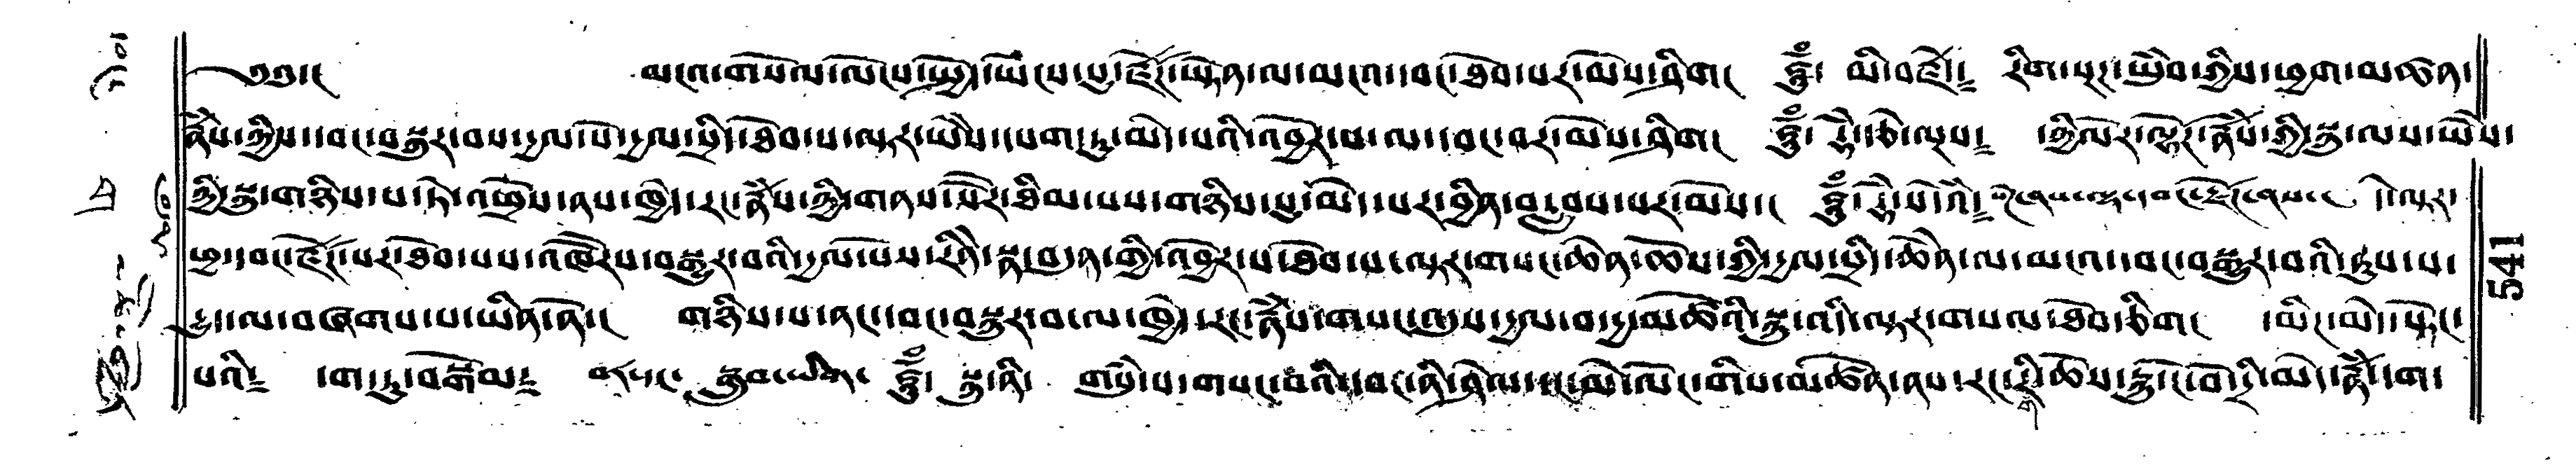མངའ་གསོལ་ལོངས་སྤྱོད་ཡོངས་སུ་རྫོགས་པའི་ཡོན་ཏན་ལ་མངའ་དབང་ཐོབ་པར་མོས་ཤིག ཧཱུྃ། མི་བརྗོད༴ རིགས་ལྔ་ཡབ་ཡུམ་ཀྱི་ཕྱག་མཚན་
རྣམས་ཀྱིས་དབང་བསྐུར་བས་རྒྱལ་པོ་རྒྱལ་སྲིད་ཐོབ་པ་ལྟར་ཡེ་ཤེས་དཔག་ཏུ་མེད་པའི་འབྱོར་པ་ལ་དབང་བར་མོས་ཤིག ཧཱུྃ། རྡོ་རྗེ་རྩེ་ལྔས༴ དཀྱིལ་འཁོར་ལྷ་ཚོགས་རྣམས་ཀྱི་སྐུ་ལས་ཡེ་ཤེས་
ཀྱི་སྐུ་གཉིས་འཕྲོས་ནས་ཁྱེད་རང་རྣམས་ཀྱི་གནས་སོ་སོར་ཐིམ་པས་གཉིས་སུ་མེད་པར་བྱིན་བརླབས་པར་མོས། ཧཱུྃ་རྡོ་རྗེ་སེམས་དཔའྀ༴ སོགས་ནས་ལྷ་དབང་རྫོགས་ནས ། དེ་ལྟར་
ཕྱི་དབང་རྫོགས་པར་ཐོབ་པས་འཁོར་ལོས་བསྒྱུར་བའི་རྒྱལ་པོས་རིན་ཆེན་སྣ་བདུན་གྱི་འབྱོར་པ་ཐོབ་པ་ལྟར་གསང་ཆེན་ཆོས་ཀྱི་རྒྱལ་སྲིད་ཆེན་པོ་ལ་མངའ་དབང་བསྒྱུར་བའི་ནུས་པ་
རྒྱུད་ལ་བཞགས་་ཡིན་ནོ། །གཉིས་པ་ནང་དབང་སྐུར་བ་ལ་ཁྱེད་རང་རྣམས་གསང་འདུས་རྒྱལ་བ་རྒྱ་མཚོའི་སྐུ་འདི་ལྟར་གསལ་ཐོབ་ཅིགདམིགས་མེད་སྟོང་
པའི༴ དག་ཏུ་སྒོམས༴ བར་དང་སྒྲུབ་ཡིག ཧཱུྃ། སྐུ་ནི༴ གསུམ་པ་གསང་བའི་དབང་ནི་ཤེལ་དང་མེ་ལོང་གིས་མཚོན་ནས་རང་རིག་ཆོས་སྐུ་ངོ་བོ་དྲི་མེད་རྣམ་དག